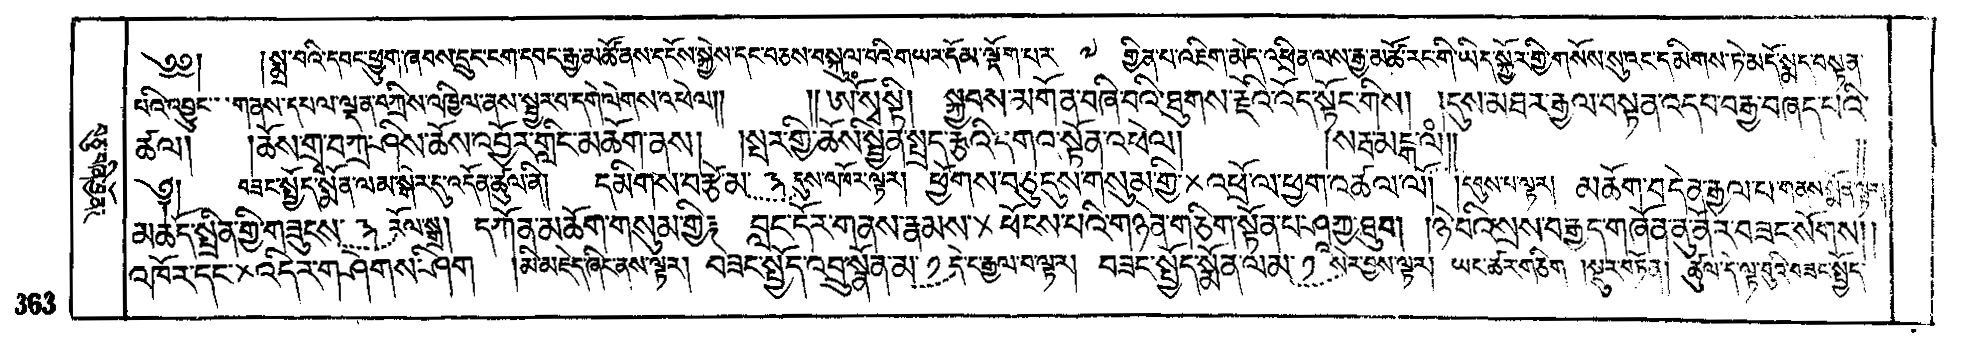༄༅། །སྨྲ་བའི་དབང་ཕྱུག་ཞབས་དྲུང་ངག་དབང་རྒྱ་མཚོ་ནས་དངོས་སྐྱེས་དང་བཅས་བསྐུལ་བའི་གཡར་དོམ་ལྡོག་པར་༧་གྱིན་པ་འཇིག་མེད་འཕྲིན་ལས་རྒྱ་མཚོ་རང་གི་ཡིད་སྐྱོར་གྱི་གསོས་སུའང་དམིགས་ཏེ་མདོ་སྨད་བསྟན་
པའི་འབྱུང་གནས་དཔལ་ལྡན་བཀྲིས་འཁྱིལ་ནས་སྦྱར་བ་དགེ་ལེགས་འཕེལ།། །།ཨོཾ་སྭ་སྟི། སྐྱབས་མགོན་བཞི་བའི་ཐུགས་རྗེའི་འོད་སྟོང་གིས། །དུས་མཐར་རྒྱལ་བསྟན་འདབ་བརྒྱ་བཞད་པའི་
ཚལ། །ཆོས་གྲྭ་བཀྲ་ཤིས་ཆོས་འབྱོར་གླིང་མཆོག་ནས། །སྤར་གྱི་ཆོས་སྦྱིན་སྤྲད་རྩའི་དགའ་སྟོན་འཕེལ། །སརྦ་མངྒ་ལཾ།། །།
~་། བཟང་སྤྱོད་སྨོན་ལམ་སྒེར་དུ་འདོན་ཚུལ་ནི། དམིགས་བརྩེ་མ ༣་དུས་འཁོར་ལྟར། ཕྱོགས་བཅུ་དུས་གསུམ་གྱི་྾་འཕྲོ་ལ་ཕྱག་འཚལ་ལོ། །དབུས་པ་ལྟར། མཆོག་བདེན་རྒྱལ་བ་གནས་སྨོན་ལྟར།
མཆོད་སྤྲིན་གྱི་གཟུངས ༣་རོལ་སྒྲ། དཀོན་མཆོག་གསུམ་གྱི༑ བླང་དོར་གནས་རྣམས་྾་ཕོངས་པའི་གཉེན་གཅིག་སྟོན་པ་ཤཱཀྱ་ཐུབ། །ཉེ་བའི་སྲས་བརྒྱད་གཞོན་ནུ་ནོར་བཟང་སོགས།།
འཁོར་དང་྾་འདིར་གཤེགས་ཤིག །མི་མཇེད་ཞིང་ནས་ལྟར། བཟང་སྤྱོད་འབྲུ་སྣོན་མ ༡་དེ་ང་རྒྱལ་བ་ལྟར། བཟང་སྤྱོད་སྨོན་ལམ ༡་སེར་བྱས་ལྟར། ཡང་ཚར་གཅིག །སྡུར་བཏོན། ཚུལ་དེ་ལྟ་བུའི་བཟང་སྤྱོད་